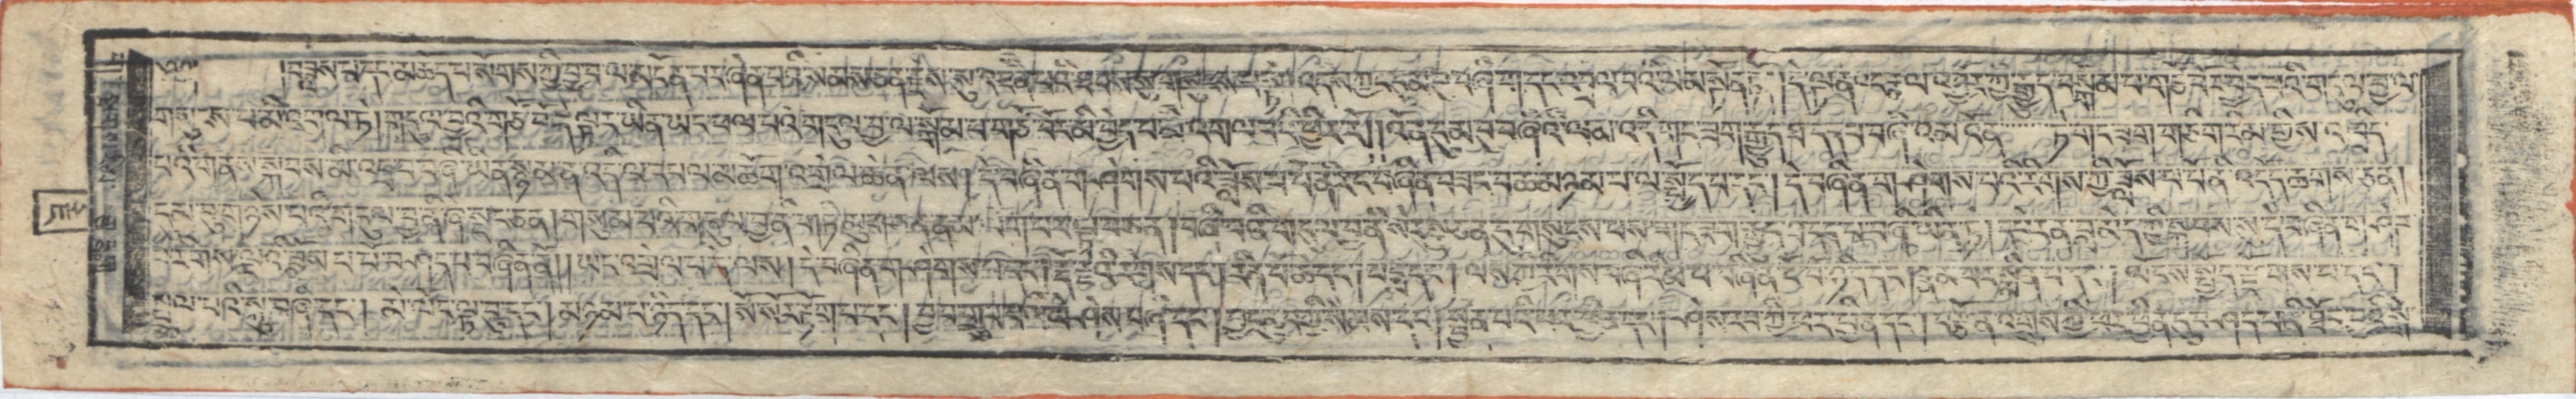༄༅། །བཟླས་པ་དང་མཆོད་པ་སོགས་ཀྱི་བྱ་བ་ལ་མངོན་པར་ཞེན་པའི་སེམས་ཅན་རྗེས་སུ་འཛིན་པའི་ཐབས་སུ་གསུངས་པ་སྟེ། འདིས་ཀྱང་དུམ་བུ་བཞི་ག་དང་འབྲེལ་བའི་ལམ་སྟོན་ཏོ། །དེ་ལྟ་ན་དི་རྣལ་འབྱོར་གྱི་རྒྱུད་བསྒོམ་པ་གཙོ་བོར་བྱེད་པའི་གདུལ་བྱ་ལ་
གསུངས་པ་མི་འགལ་ཏེ། གདུལ་བྱའི་གཙོ་བོ་དེ་ལྟར་ཡིན་ཡང་ཕལ་བའི་གདུལ་བྱ་ལ་སྒོམ་པ་གཙོ་བོར་མི་བྱེད་པ་མི་འགལ་བའི་ཕྱིར་རོ། །འོ་ན་དུམ་བུ་བཞིའི་ལམ་འདི་གང་ཟག་རྒྱུད་ཐ་དད་པ་བཞི་འམ་འོན་ཏེ་གང་ཟག་གཅིག་རིམ་གྱིས་འཁྲིད་
པའི་གནས་སྐབས་མི་འདྲ་བ་བཞི་ཡིན་སྙམ་ན་འདི་ལ་དཔལ་མཆོག་འགྲེལ་ཆེན་ལས། དེ་བཞིན་གཤེགས་པའི་ཟློས་པ་པོ་ནི་རང་བཞིན་བཟང་བ་ཆ་མཉམ་པ་ལ་སྤྱོད་པ་དང་། དེ་བཞིན་གཤེགས་པའི་རིགས་ཀྱི་ཟློས་པ་པོ་ནི་འདོད་ཆགས་ཅན།
དུམ་བུ་གཉིས་པའི་གདུལ་བྱ་ནི་ཞེ་སྡང་ཅན། གསུམ་པའི་གདུལ་བྱ་ནི་གཏི་མུག་ཅན་ནམ་ལོག་པར་ལྟ་བ་ཅན། བཞི་པའི་གདུལ་བྱ་ནི་སེར་སྣ་ཅན་དུ་གསུངས་པས་གང་ཟག་རྒྱུད་ཐ་དད་པ་བཞི་ཡིན་ཏེ། དཔེར་ན་བླ་མེད་ཀྱི་སྐབས་སུ་དེ་བཞིན་གཤེགས་
པ་རིགས་ལྔའི་ཟློས་པ་པོ་བཤད་པ་བཞིན་ནོ། །ཡང་འགྲེལ་པ་དེ་ལས། དེ་བཞིན་གཤེགས་པ་དང་། རྡོ་རྗེའི་རིགས་དང་། རིན་པོ་ཆེ་དང་། པདམ་དང་། ལས་ཀྱི་རིགས་བཞི་རིམ་པ་བཞིན་ངོ་བོ་ཉིད་དང་། རྣམ་པར་སྨིན་པ་དང་། ལོངས་སྤྱོད་རྫོགས་པ་དང་།
སྤྲུལ་པའི་སྐུ་བཞི་དང་། མེ་ལོང་ལྟ་བུ་དང་། མཉམ་པ་ཉིད་དང་། སོ་སོར་རྟོག་པ་དང་། བྱ་བ་གྲུབ་པའི་ཡེ་ཤེས་བཞི་དང་། བྱང་ཆུབ་ཀྱི་སེམས་དང་། སྦྱིན་པའི་ཕར་ཕྱིན་དང་། ཤེས་རབ་ཀྱི་ཕར་ཕྱིན་དང་། བརྩོན་འགྲུས་ཀྱི་ཕར་ཕྱིན་དུ་བཤད་པ་ནི་ཐོབ་བྱའི་སྒོ་